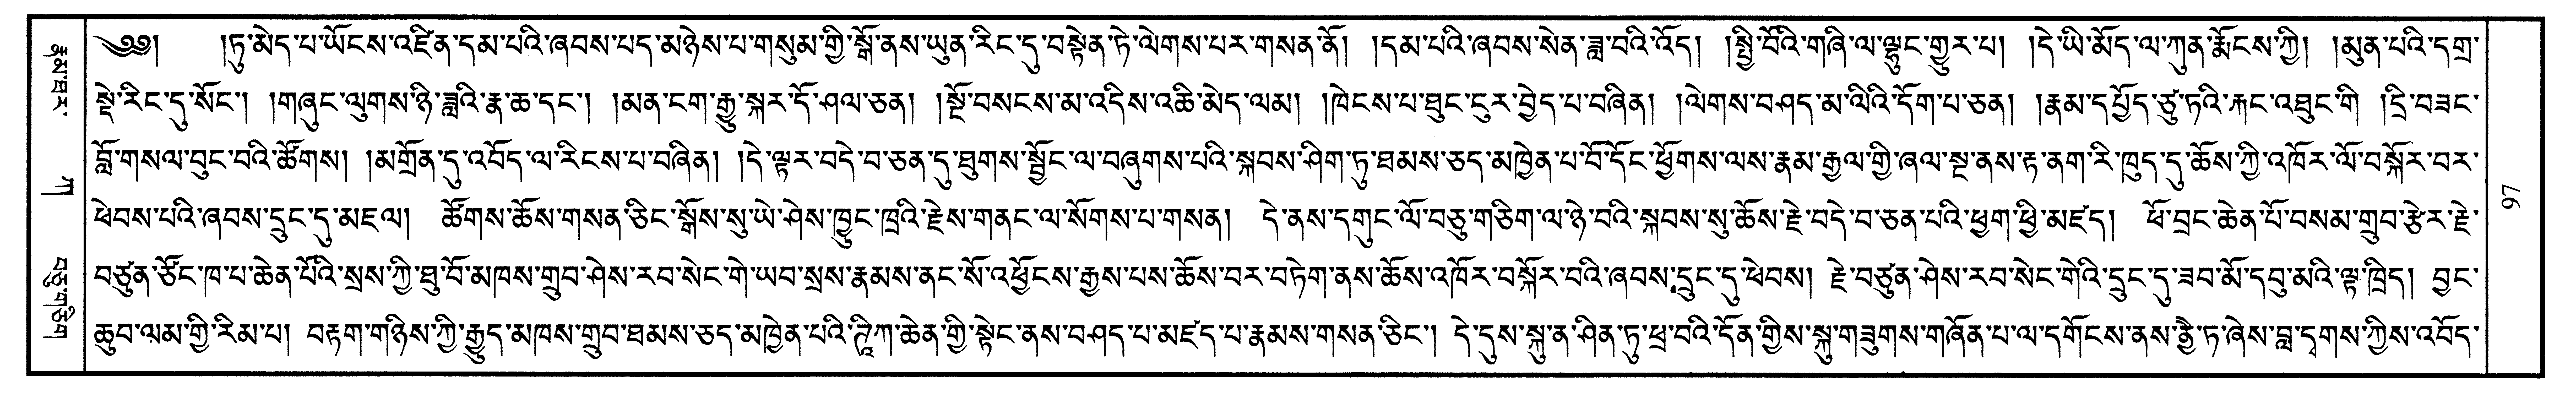༄༅། །ཏུ་མེད་པ་ཡོངས་འཛིན་དམ་པའི་ཞབས་པད་མཉེས་པ་གསུམ་གྱི་སྒོ་ནས་ཡུན་རིང་དུ་བསྟེན་ཏེ་ལེགས་པར་གསན་ནོ། །དམ་པའི་ཞབས་སེན་ཟླ་བའི་འོད། །སྤྱི་བོའི་གཞི་ལ་ལྷུང་གྱུར་པ། །དེ་ཡི་མོད་ལ་ཀུན་རྨོངས་ཀྱི། །མུན་པའི་དགྲ་
སྡེ་རིང་དུ་སོང་། །གཞུང་ལུགས་ཉི་ཟླའི་རྣ་ཆ་དང་། །མན་ངག་རྒྱུ་སྐར་དོ་ཤལ་ཅན། །སྔོ་བསངས་མ་འདིས་འཆི་མེད་ལམ། །ཁེངས་པ་ཐུང་ངུར་བྱེད་པ་བཞིན། །ལེགས་བཤད་མ་ལིའི་དོག་པ་ཅན། །རྣམ་དཔྱོད་ཙུ་ཏའི་རྐང་འཐུང་གི །དྲི་བཟང་
བློ་གསལ་བུང་བའི་ཚོགས། །མགྲོན་དུ་འབོད་ལ་རིངས་པ་བཞིན། །དེ་ལྟར་བདེ་བ་ཅན་དུ་ཐུགས་སྦྱོང་ལ་བཞུགས་པའི་སྐབས་ཤིག་ཏུ་ཐམས་ཅད་མཁྱེན་པ་བོ་དོང་ཕྱོགས་ལས་རྣམ་རྒྱལ་གྱི་ཞལ་སྔ་ནས་རྟ་ནག་རི་ཁུད་དུ་ཆོས་ཀྱི་འཁོར་ལོ་བསྐོར་བར་
ཕེབས་པའི་ཞབས་དྲུང་དུ་མཇལ། ཚོགས་ཆོས་གསན་ཅིང་སྒོས་སུ་ཡེ་ཤེས་ཁྱུང་ཁྲའི་རྗེས་གནང་ལ་སོགས་པ་གསན། དེ་ནས་དགུང་ལོ་བཅུ་གཅིག་ལ་ཉེ་བའི་སྐབས་སུ་ཆོས་རྗེ་བདེ་བ་ཅན་པའི་ཕྱག་ཕྱི་མཛད། ཕོ་བྲང་ཆེན་པོ་བསམ་གྲུབ་རྩེར་རྗེ་
བཙུན་ཙོང་ཁ་པ་ཆེན་པོའི་སྲས་ཀྱི་ཐུ་བོ་མཁས་གྲུབ་ཤེས་རབ་སེང་གེ་ཡབ་སྲས་རྣམས་ནང་སོ་འཕྱོངས་རྒྱས་པས་ཆོས་བར་བཏེག་ནས་ཆོས་འཁོར་བསྐོར་བའི་ཞབས་དྲུང་དུ་ཕེབས། རྗེ་བཙུན་ཤེས་རབ་སེང་གེའི་དྲུང་དུ་ཟབ་མོ་དབུ་མའི་ལྟ་ཁྲིད། བྱང་
ཆུབ་ལམ་གྱི་རིམ་པ། བརྟག་གཉིས་ཀྱི་རྒྱུད་མཁས་གྲུབ་ཐམས་ཅད་མཁྱེན་པའི་ཊཱིཀ་ཆེན་གྱི་སྟེང་ནས་བཤད་པ་མཛད་པ་རྣམས་གསན་ཅིང་། དེ་དུས་སྐུ་ན་ཤིན་ཏུ་ཕྲ་བའི་དོན་གྱིས་སྐུ་གཟུགས་གཞོན་པ་ལ་དགོངས་ནས་ནྱཻ་ཏ་ཞེས་བླ་དྭགས་ཀྱིས་འབོད་